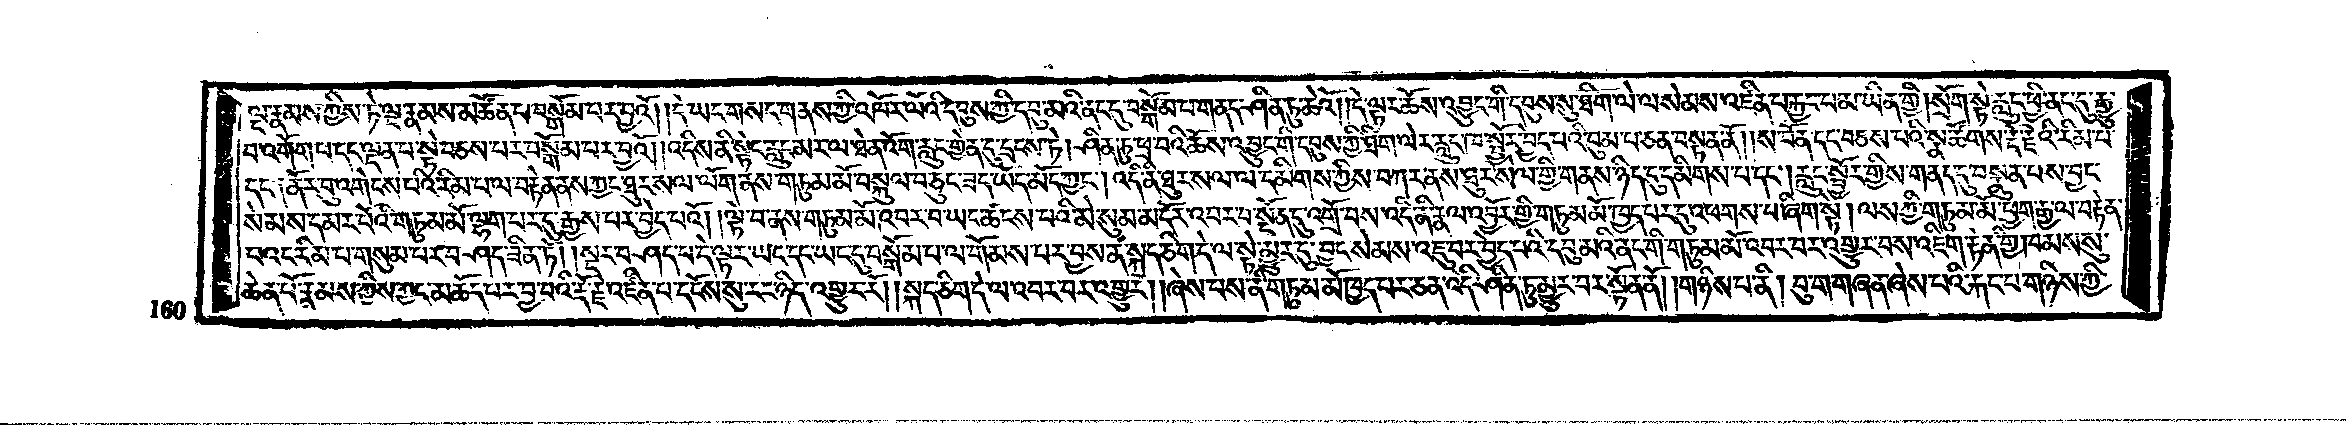ལྔ་རྣམས་ཀྱིས་ཏེ་ལྔ་རྣམས་མཚོན་པ་བསྒོམ་པར་བྱའོ། །དེ་ཡང་གསང་གནས་ཀྱི་འཁོར་ལོའི་དབུས་ཀྱི་དབུ་མའི་ནང་དུ་བསྒོམ་པ་གནད་ཤིན་ཏུ་ཆེའོ། །དེ་ལྟར་ཆོས་འབྱུང་གི་དབུས་སུ་ཐིག་ལེ་ལ་སེམས་འཛིན་པ་རྐྱང་པ་མ་ཡིན་གྱི། སྲོག་སྟེ་རླུང་ཕྱི་ནང་དུ་རྒྱུ་
བ་འགོག་པ་དང་ལྡན་པ་སྟེ་བཅས་པར་བསྒོམ་པར་བྱའོ། །འདིས་ནི་སྟེང་རླུང་མར་ལ་ཐེན་འོག་རླུང་གྱེན་དུ་དྲངས་ཏེ། ཤིན་ཏུ་ཕྲ་བའི་ཆོས་འབྱུང་གི་དབུས་ཀྱི་ཐིག་ལེར་རླུང་ཁ་སྦྱོར་བྱེད་པའི་བུམ་པ་ཅན་བསྟན་ནོ། །ས་བོན་དང་བཅས་པའི་སྣ་ཚོགས་རྡོ་རྗེའི་རིམ་པ་
དང་། ནོར་བུ་འགེངས་པའི་རིམ་པ་ལ་བརྟེན་ནས་ཀྱང་ཐུར་སེལ་ལོག་ནས་གཏུམ་མོ་བསྐུལ་བ་ཅུང་ཟད་ཡོད་མོད་ཀྱང་། འདི་ནི་ཐུར་སེལ་ལ་དམིགས་ཀྱིས་བཀར་ནས་ཐུར་སེལ་གྱི་གནས་ཉིད་དུ་དམིགས་པ་དང་། རླུང་སྦྱོར་གྱིས་གནད་དུ་བསྣུན་པས་བྱང་
སེམས་དམར་པོའི་གཏུམ་མོ་ལྷག་པར་དུ་རྒྱས་པར་བྱེད་པའོ། །ལྟེ་བ་ནས་གཏུམ་མོ་འབར་བ་ཡང་ཚངས་པའི་མེ་སུམ་མདོར་འབར་བ་སྔོན་དུ་འགྲོ་བས་འདི་ནི་རྣལ་འབྱོར་གྱི་གཏུམ་མོ་ཁྱད་པར་དུ་འཕགས་པ་ཞིག་སྟེ། ལས་ཀྱི་གཏུམ་མོ་ཕྱག་རྒྱ་ལ་བརྟེན་
པའང་རིམ་པ་གསུམ་པར་བཤད་ཟིན་ཏོ། །སྔར་བཤད་པ་དེ་ལྟར་ཡང་དང་ཡང་དུ་བསྒོམ་པ་ལ་གོམས་པར་བྱས་ན་སྐད་ཅིག་དེ་ལ་སྟེ་མྱུར་དུ་བྱང་སེམས་འཇུ་བར་བྱེད་པའི་དབུ་མའི་ནང་གི་གཏུམ་མོ་འབར་བར་འགྱུར་བས་འཇིག་རྟེན་གྱི་ཁམས་སུ་
ཆེན་པོ་རྣམས་ཀྱིས་ཀྱང་མཆོད་པར་བྱ་བའི་རྡོ་རྗེ་འཛིན་པ་དངོས་སུ་རང་ཉིད་འགྱུར་རོ། །སྐད་ཅིག་དེ་ལ་འབར་བར་འགྱུར། །ཞེས་པས་ནི་གཏུམ་མོ་ཁྱད་པར་ཅན་འདི་ཤིན་ཏུ་མྱུར་བར་སྟོན་ནོ། །གཉིས་པ་ནི། བུ་ག་གཞན་ཞེས་པའི་རྐང་པ་གཉིས་ཀྱི་